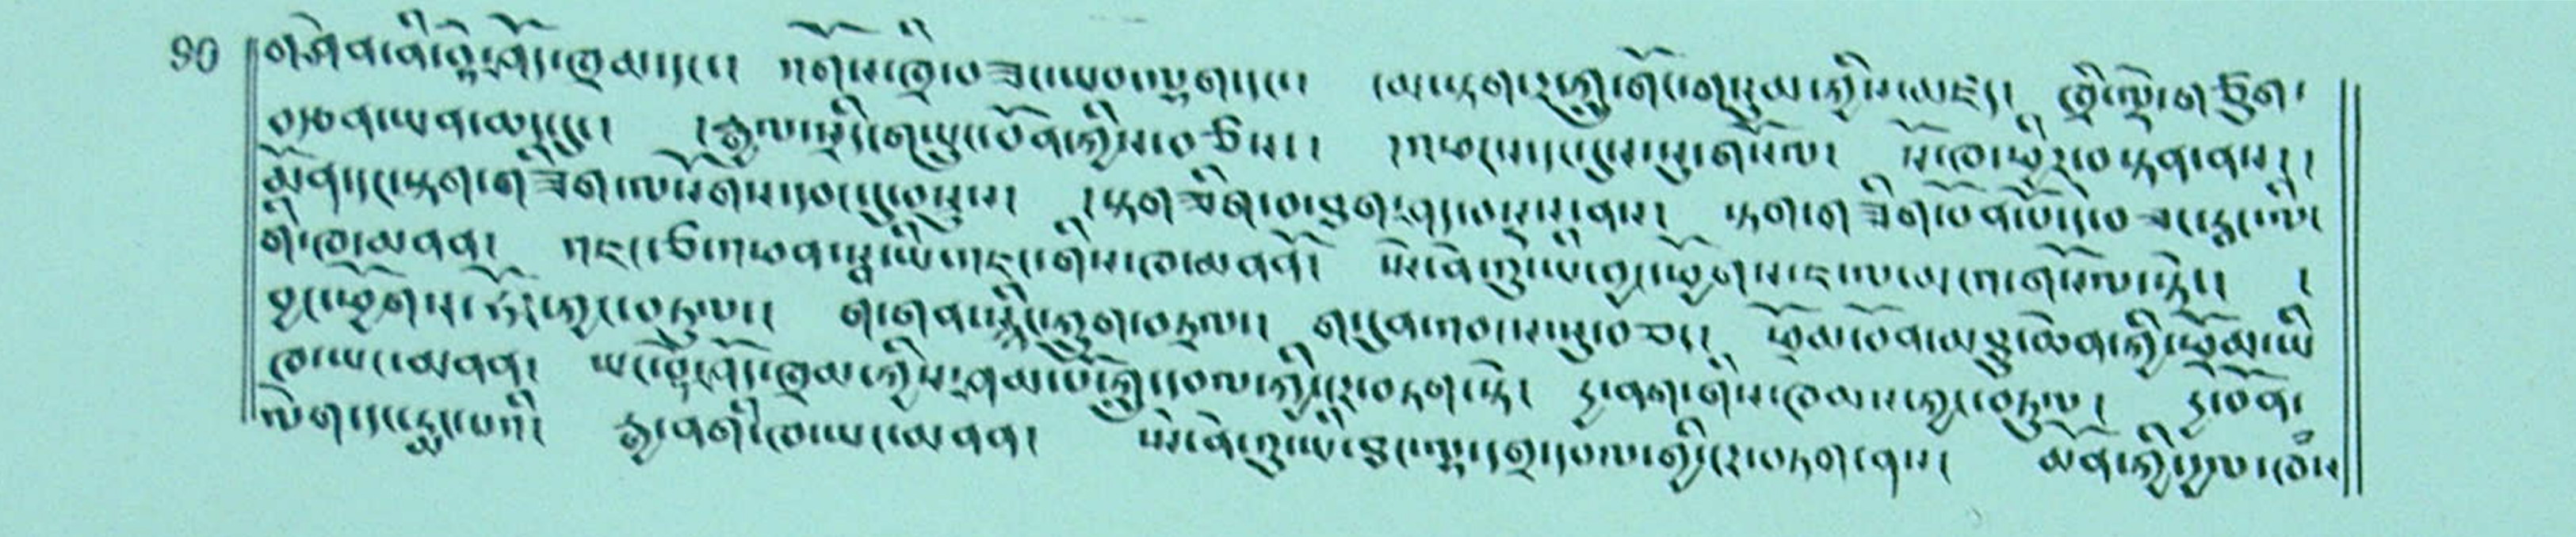གཤེན་ནི་བྷེ་ཤོད་ཁྲམ་དང་། འགོས་ཁྲི་བཟང་ཡབ་ལྷག་དང་། ངམ་སྟག་ར་ཀླུ་གོང་གསུམ་གྱིས་མཛད། ཁྲི་ལྡེ་གཙུག་
བཙན་ཡན་ཆད་དུ། རྒྱལ་སྲིད་གཡུང་དྲུང་བོན་གྱིས་བཙས། འཕངས་དང་དུས་སུ་གསོལ། སོ་ཁ་ཕྱིར་བསྟན་ནས།
 མོན་དང་སྟག་གཟིག་ལས་སོགས་དབང་དུ་བསྡུས། སྟག་གཟིག་བ་ཐག་ཤད་བསྡུས་ནས། སྟག་གཟིག་བོན་པོ་དེ་བཟང་རྦང་ལིང་
གི་ཁ་མནན། འཇང་ཙ་འཕན་སྣ་ཡི་འཇང་གི་ཁ་མནན་ནོ། །སྤེ་ནེ་འུ་ཡི་བྱང་ཕྱོགས་ཇ་ལ་མངའ་གསོལ་ཏེ། 
བྱང་ཕྱོགས་ཧོར་ཀྱང་བཏུལ། ག་གན་སྙིང་ཀྲུག་བཏྲལ། ག་དུན་འབངས་སུ་བཅད། ཕྲོམ་བོན་མཐུ་ཆེན་གྱིས་ཕྲོམ་གྱི་
ཁ་ཡང་མནན། ཡང་བྷེ་ཤོད་ཁྲམ་གྱི་ཤམ་པོ་ཀླུ་དབལ་ངར་བཏགས་ཏེ། རྒྱ་ནག་གི་ཁམས་ཀྱང་བཏུལ། རྒྱ་བོན་
ལེགས་ཏང་རྨང་པའི། རྒྱ་ནག་གི་ཁ་ཡང་མནན། སྤེ་ནེ་འུ་ཡི་ཐང་ལྷ་དགྲ་དཔལ་གྱི་ངར་བཏགས་ནས། མོན་གྱི་རྒྱལ་ཁམས་